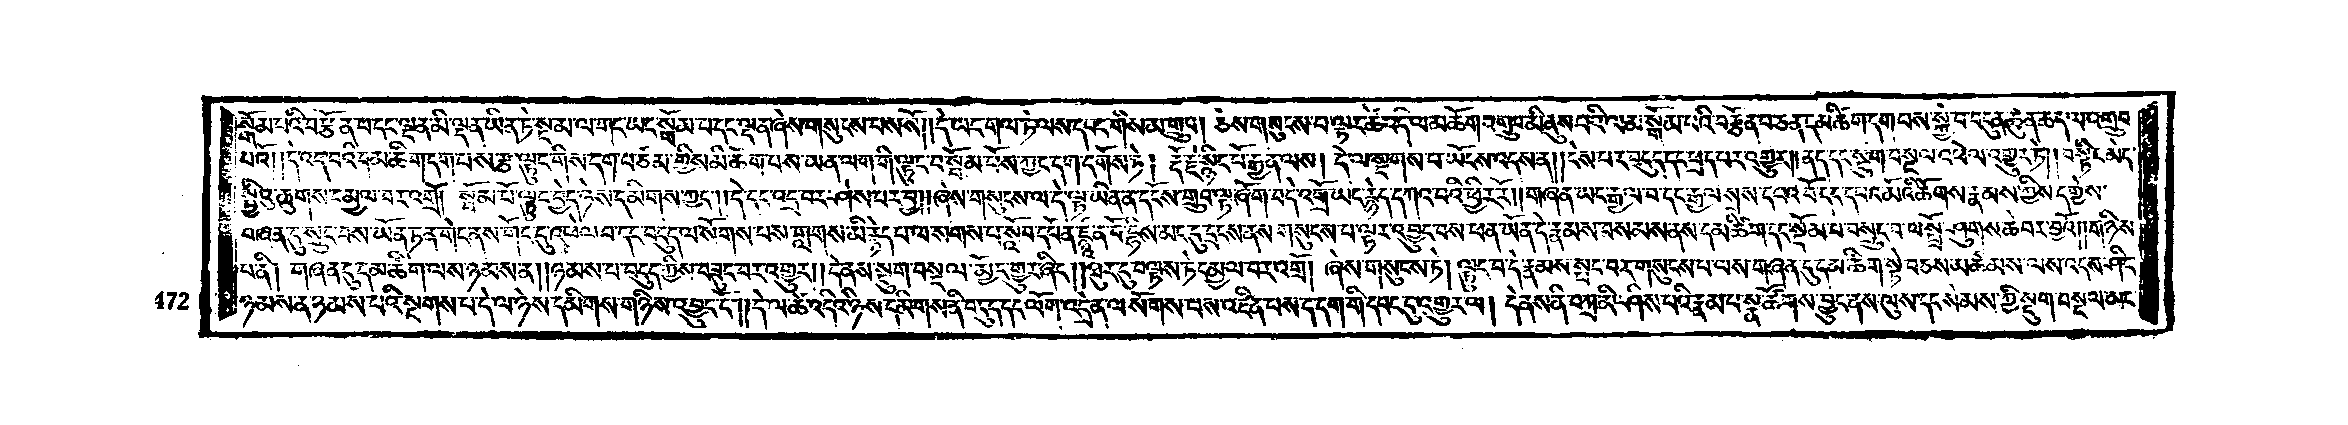སྒོམ་པའི་བརྩོན་པ་དང་ལྡན་མི་ལྡན་ཡིན་ཏེ་སྔ་མ་ལ་གང་ཡང་སྒོམ་པ་དང་ལྡན་ཞེས་གསུངས་པས་སོ། །དེ་ཡང་གལ་ཏེ་ལས་དབང་གིས་མ་གྲུབ། ཅེས་གསུངས་པ་ལྟར་ཚེ་འདི་ལ་མཆོག་འགྲུབ་མི་ནུས་པའི་ལམ་སྒོམ་པའི་བརྩོན་བ་ཅན་དམ་ཚིག་དག་བས་སྐྱེ་བ་བདུན་ཚུན་ཆད་ལ་འགྲུབ་
པའོ། །དེ་འད་བའི་དམ་ཚིག་དག་པས་རྩ་ལྟུང་གིས་དག་པ་ཙམ་གྱིས་མི་ཆོག་པས་ཡན་ལག་གི་ལྟུང་བ་སྦོམ་པོས་ཀྱང་དག་དགོས་ཏེ། རྡོ་རྗེ་སྙིང་པོ་རྒྱན་ལས། དེ་ལ་སྔགས་པ་ཡོངས་འདས་ན། །ངེས་པར་བདུད་དང་ཕྲད་པར་འགྱུར། །ནད་དང་སྡུག་བསྔལ་འཕེལ་འགྱུར་ཏེ། བསྟིང་མེད་
སྤྱིའུ་ཆུགས་དམྱལ་བར་འགྲོ། སྦོམ་པོ་ལྟུང་བྱེད་ཉེས་དམིགས་ཀྱང་། །དེ་དང་འདྲ་བར་ཤེས་པར་བྱ། །ཞེས་གསུངས་ལ་དེ་ལྟ་ཡིན་ན་དངོས་གྲུབ་ལྟ་ཞོག་བདེ་འགྲོ་ཡང་རྙེད་དཀའ་བའི་ཕྱིར་རོ། །གཞན་ཡང་རྒྱལ་བ་དང་རྒྱལ་སྲས་དཔའ་བོ་དང་དཔའ་མོའི་ཆོགས་རྣམས་ཀྱིས་དགྱེས་
བཞན་དུ་སྲུང་བས་ཡོན་ཏན་གེང་ནས་གོང་དུ་འཕེལ་བ་དང་བདུད་ལ་སོགས་པས་གླགས་མི་རྙེད་པ་ལ་སོགས་པ་སློབ་དཔོན་ཛྙཱ་ན་བོ་དྷིས་མང་དུ་དྲངས་ནས་གསུངས་པ་ལྟར་འབྱུང་བས་ཕན་ཡོན་དེ་རྣམས་བསམས་ནས་དམ་ཚིག་དང་སྡོམ་པ་བསྲུང་བ་ལ་སྤྲོ་ཤུགས་ཆེ་བར་བྱའོ། །གཉིས་
པ་ནི། གཞན་དུ་དམ་ཚིག་ལས་ཉམས་ན། །ཉམས་པ་བདུད་ཀྱིས་བཟུང་བར་འགྱུར། །དེ་ནས་སྡུག་བསྔལ་མྱོང་གྱུར་ཞིང་། །ཐུར་དུ་བལྟས་ཏེ་དམྱལ་བར་འགྲོ། ཞེས་གསུངས་ཏེ། ལྟུང་བ་དེ་རྣམས་སྤང་བར་གསུངས་པ་ལས་གཞན་དུ་དམ་ཚིག་སྟེ་བཅས་མཚམས་ལས་འདས་ཤིང་
ཉམས་ན་ཉམས་པའི་སྔགས་པ་དེ་ལ་ཉེས་དམིགས་གཉིས་འབྱུང་ངོ། །དེ་ལ་ཚེ་འདིའི་ཉིས་དམིགས་ནི་བདུད་དང་ལོག་འདྲེན་ལ་སོགས་པས་འཛིན་པས་ད་དག་གི་དབང་དུ་འགྱུར་ལ། དེ་ནས་ནི་བཀྲ་མི་ཤིས་པའི་རྣམ་པ་སྣ་ཚོགས་བྱུང་ནས་ལུས་དང་སེམས་ཀྱི་སྡུག་བསྔལ་མང་